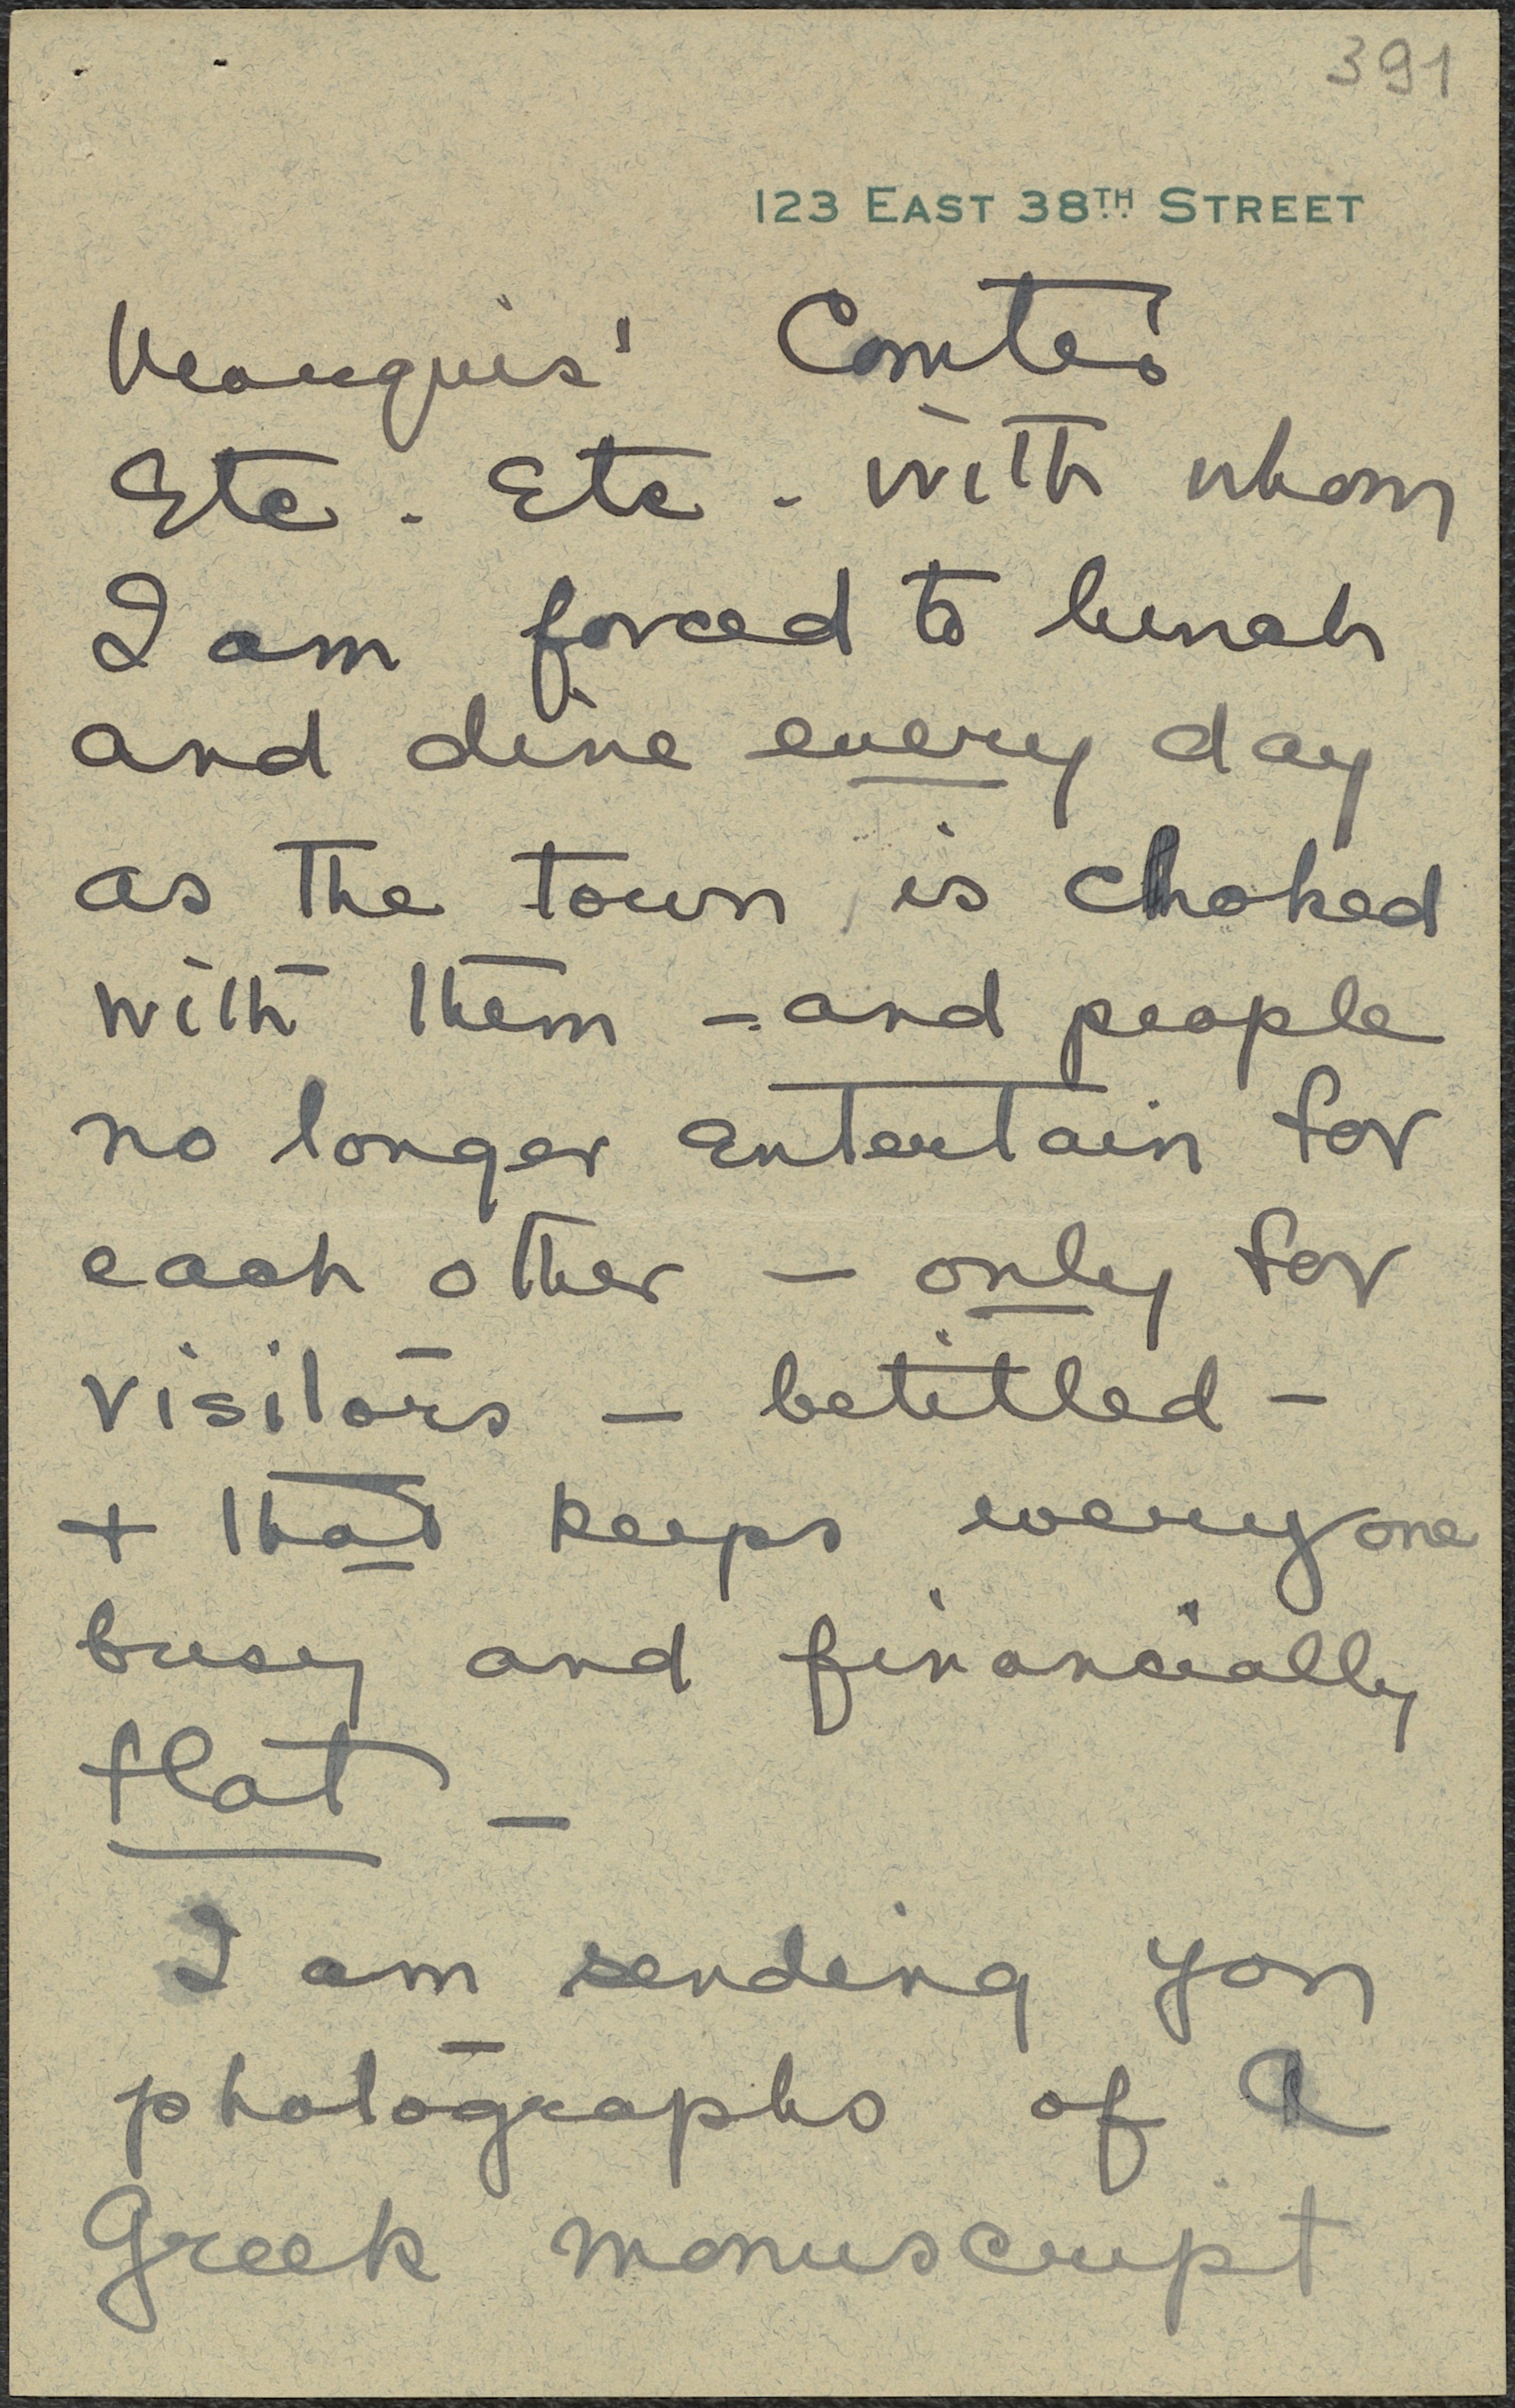Marquis, Contes, Etc, Etc with whom I am forced to lunch and dine every day as the town is choked with them – and people no longer entertain for each other – only for visitors – betitled – & that keeps everyone busy and financially flat –
I am sending you photographs of a Greek manuscript